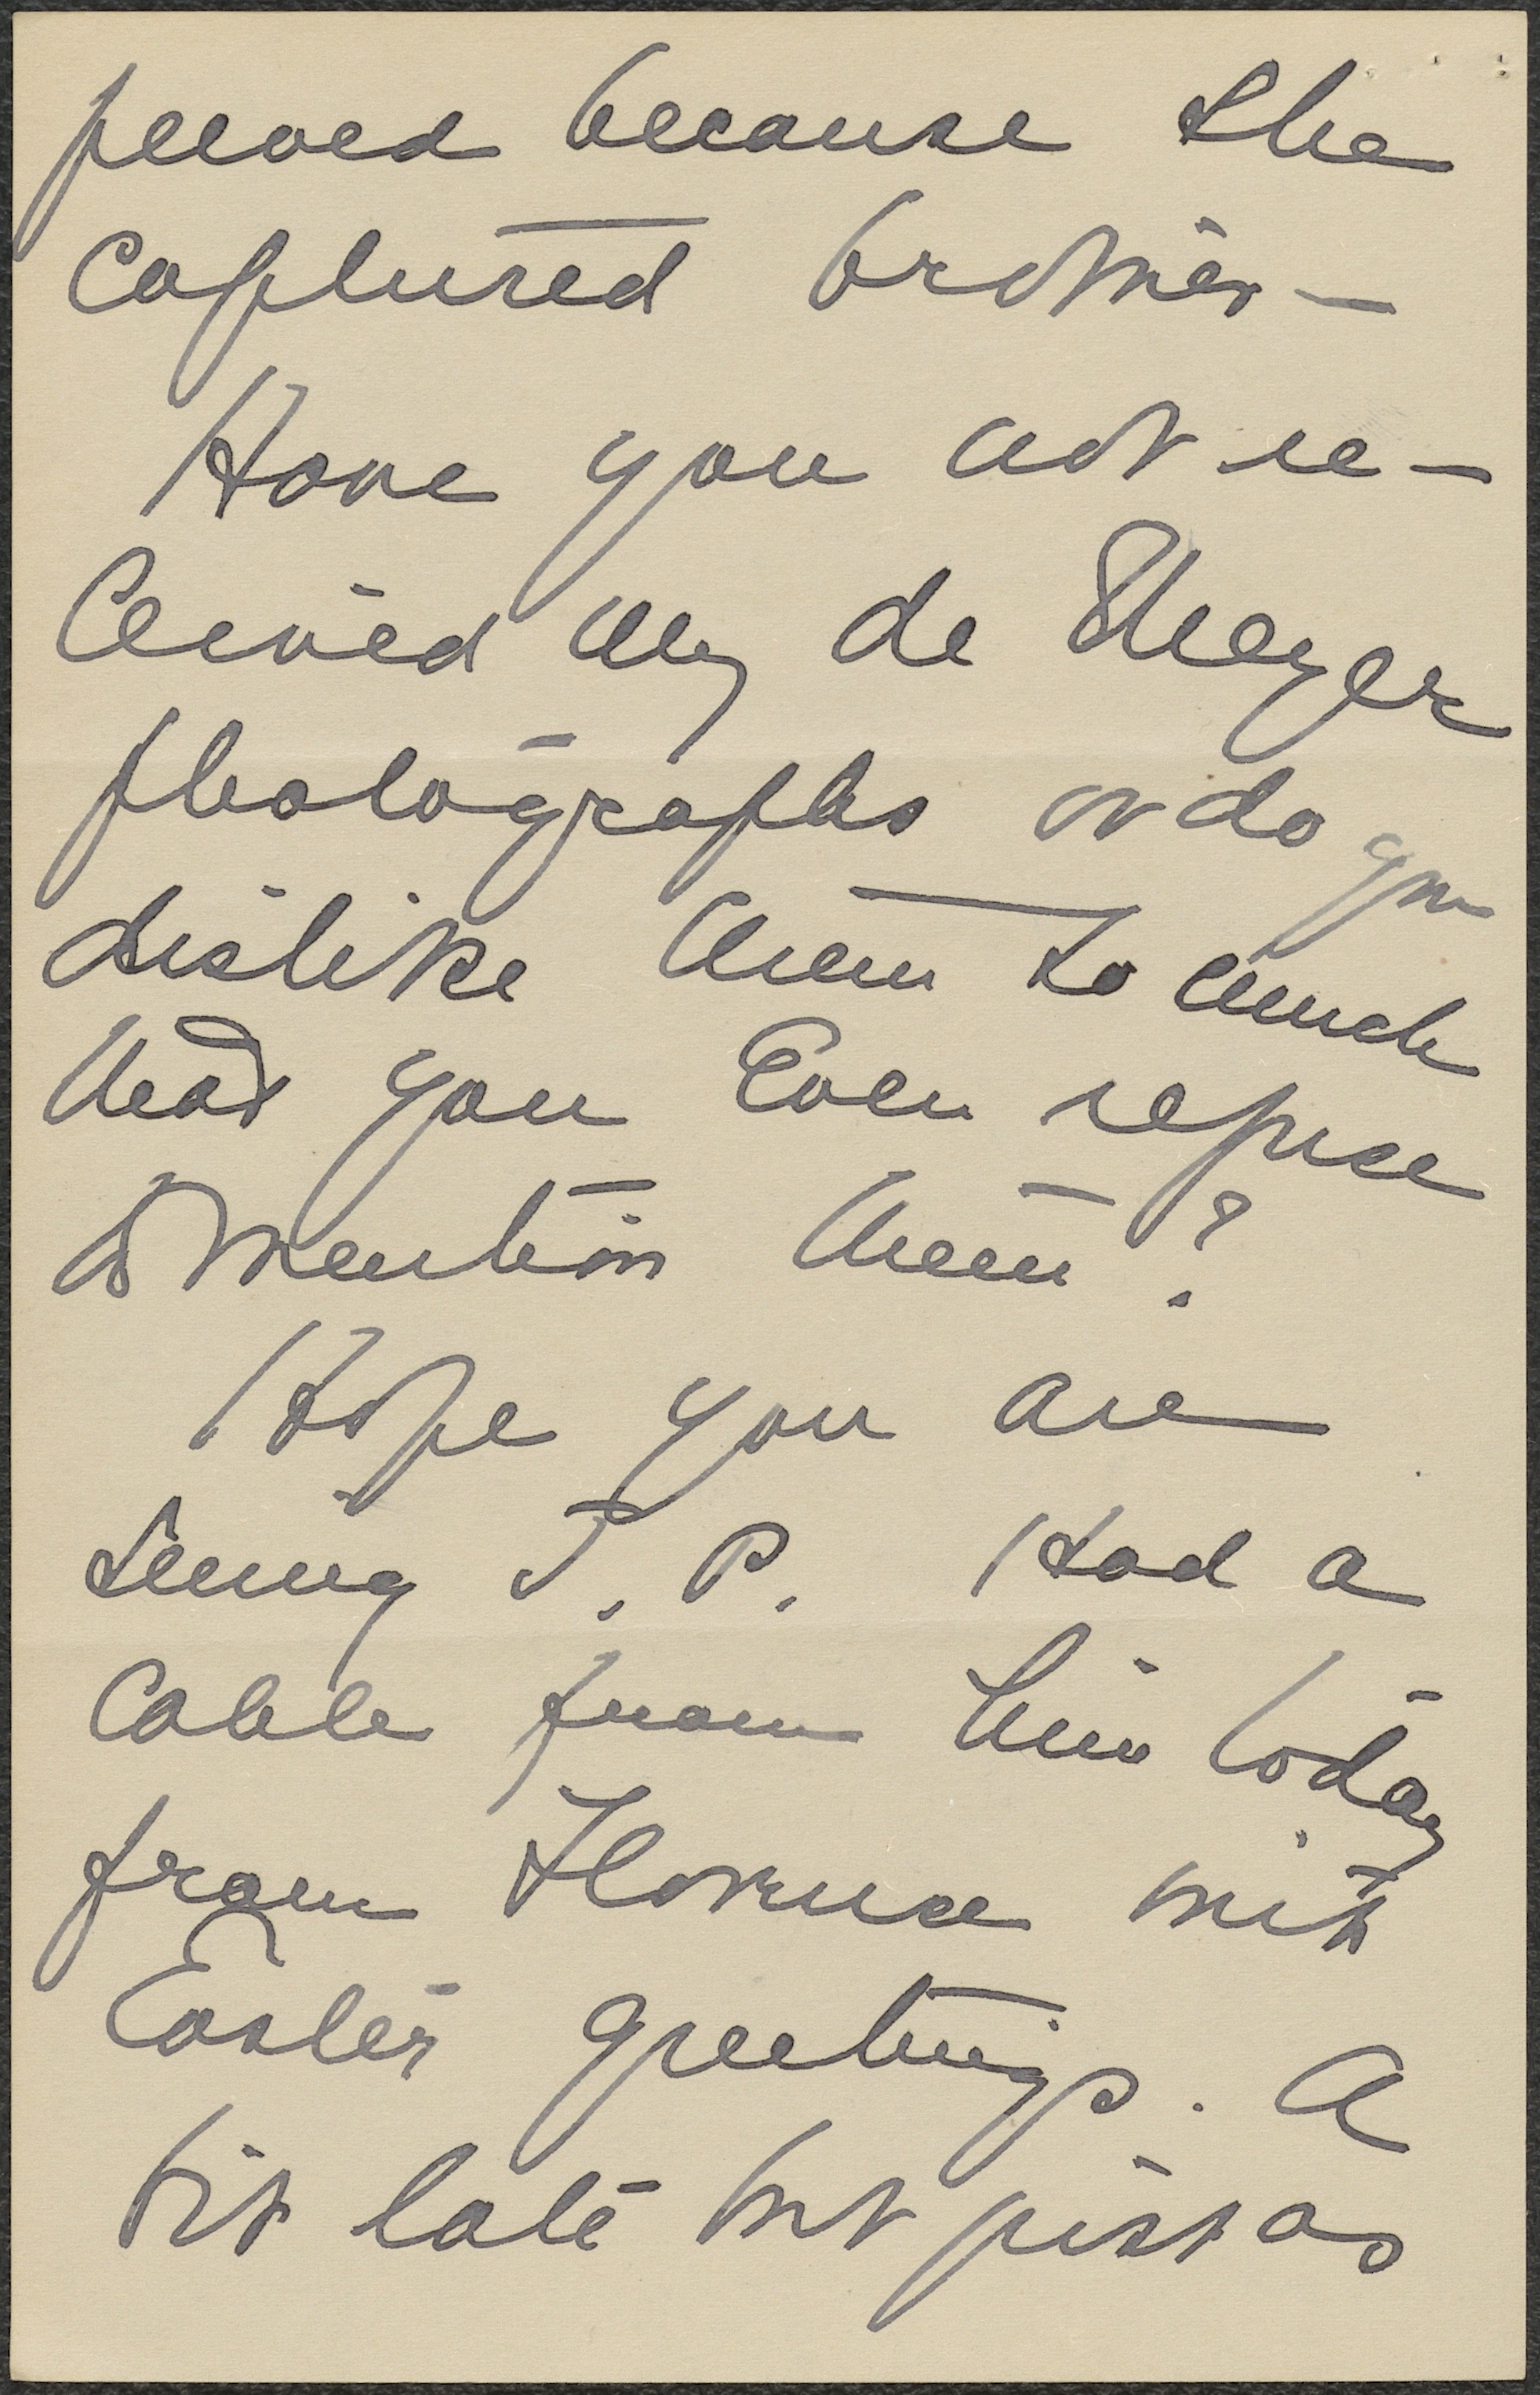peeved because she captured brother –
Have you not received my de Meyer photographs or do you dislike them so much that you even refuse to mention them?
Hope you are seeing J. P. Had a cable from him today from Florence with Easter greetings. A bit late but just as